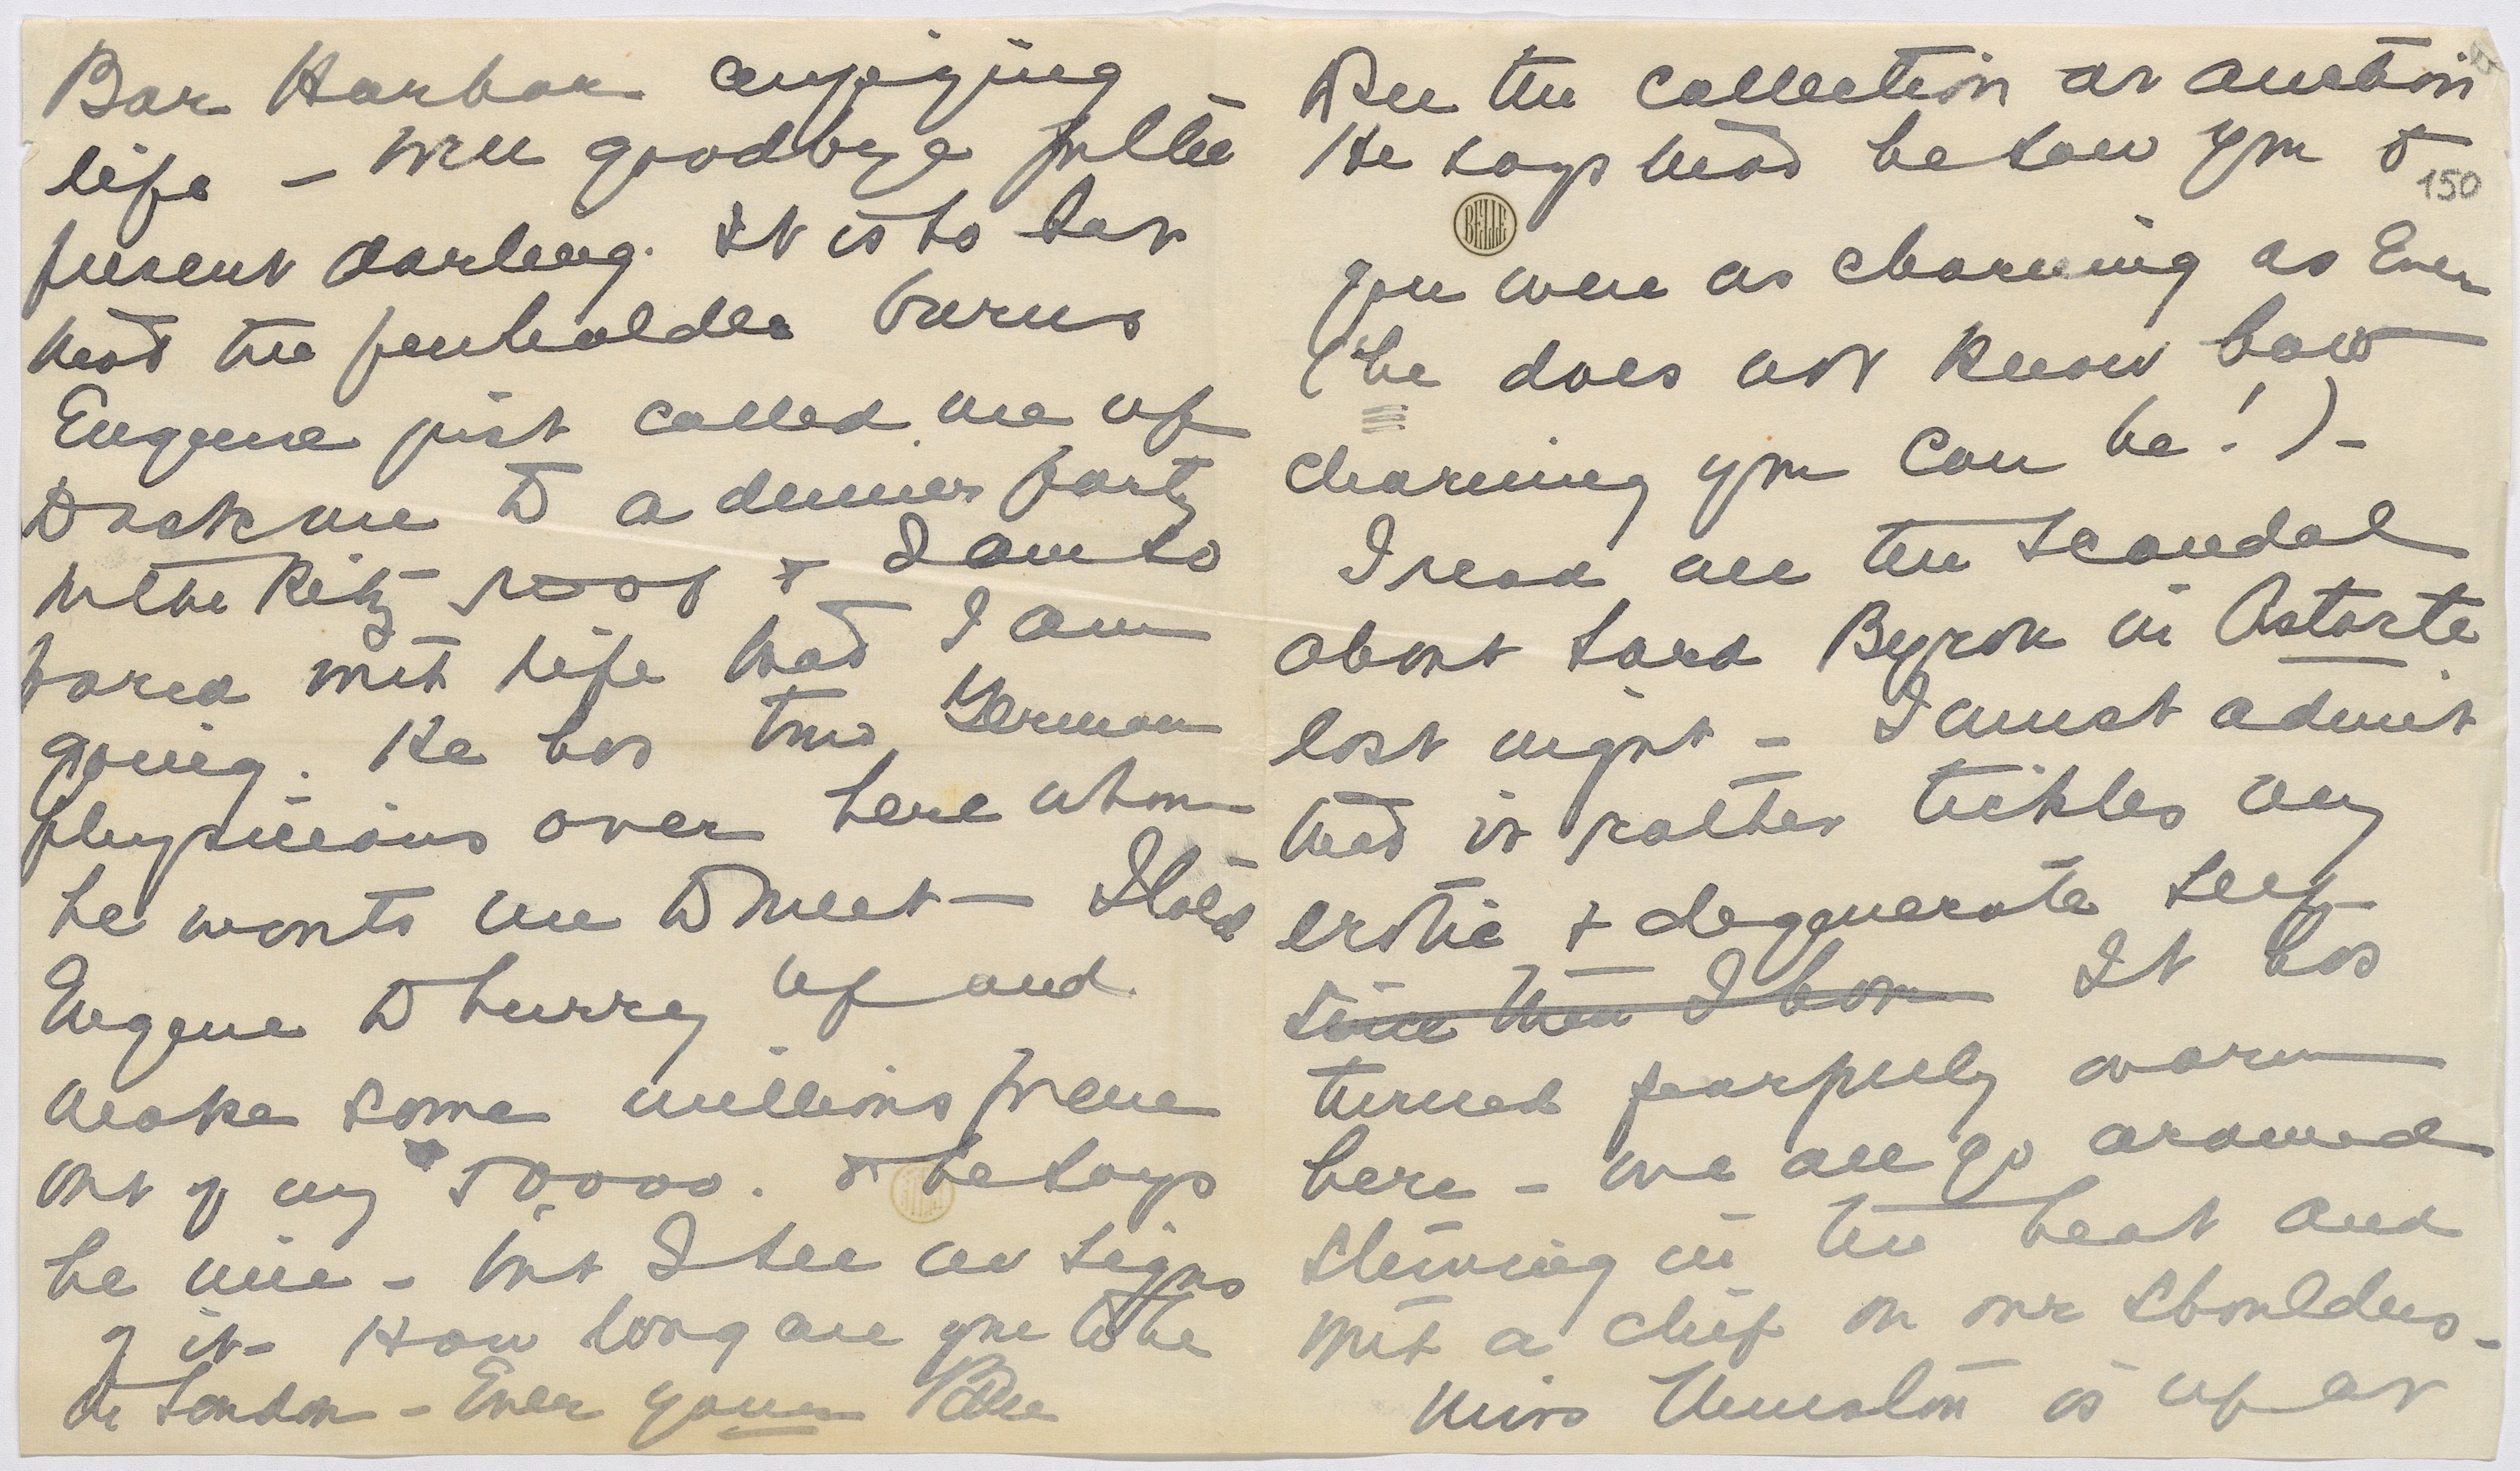to see the collection at auction
He says that he saw you & you were as charming as ever ([triple-underlined: he] does not know how charming you can be!) –
I read all the scandal about Lord Byron in Astarte last night – I must admit that it rather tickles my erotic & degenerate self since then I have It has turned fearfully warm here – we all go around stewing in the heat and with a chip on our shoulders –
Miss Thurston is up at
Bar Harbor enjoying life – well goodbye for the present darling. It is so hot that the penholder burns
Eugene just called me up to ask me to a dinner party on the Ritz roof & I am so bored with life that I am going. He has two German physicians over here whom he wants me to meet – I told Eugene to hurry up and make some millions from out of my $50,000. & he says he will – but I see no signs of it – How long are you to be in London – Ever your Belle